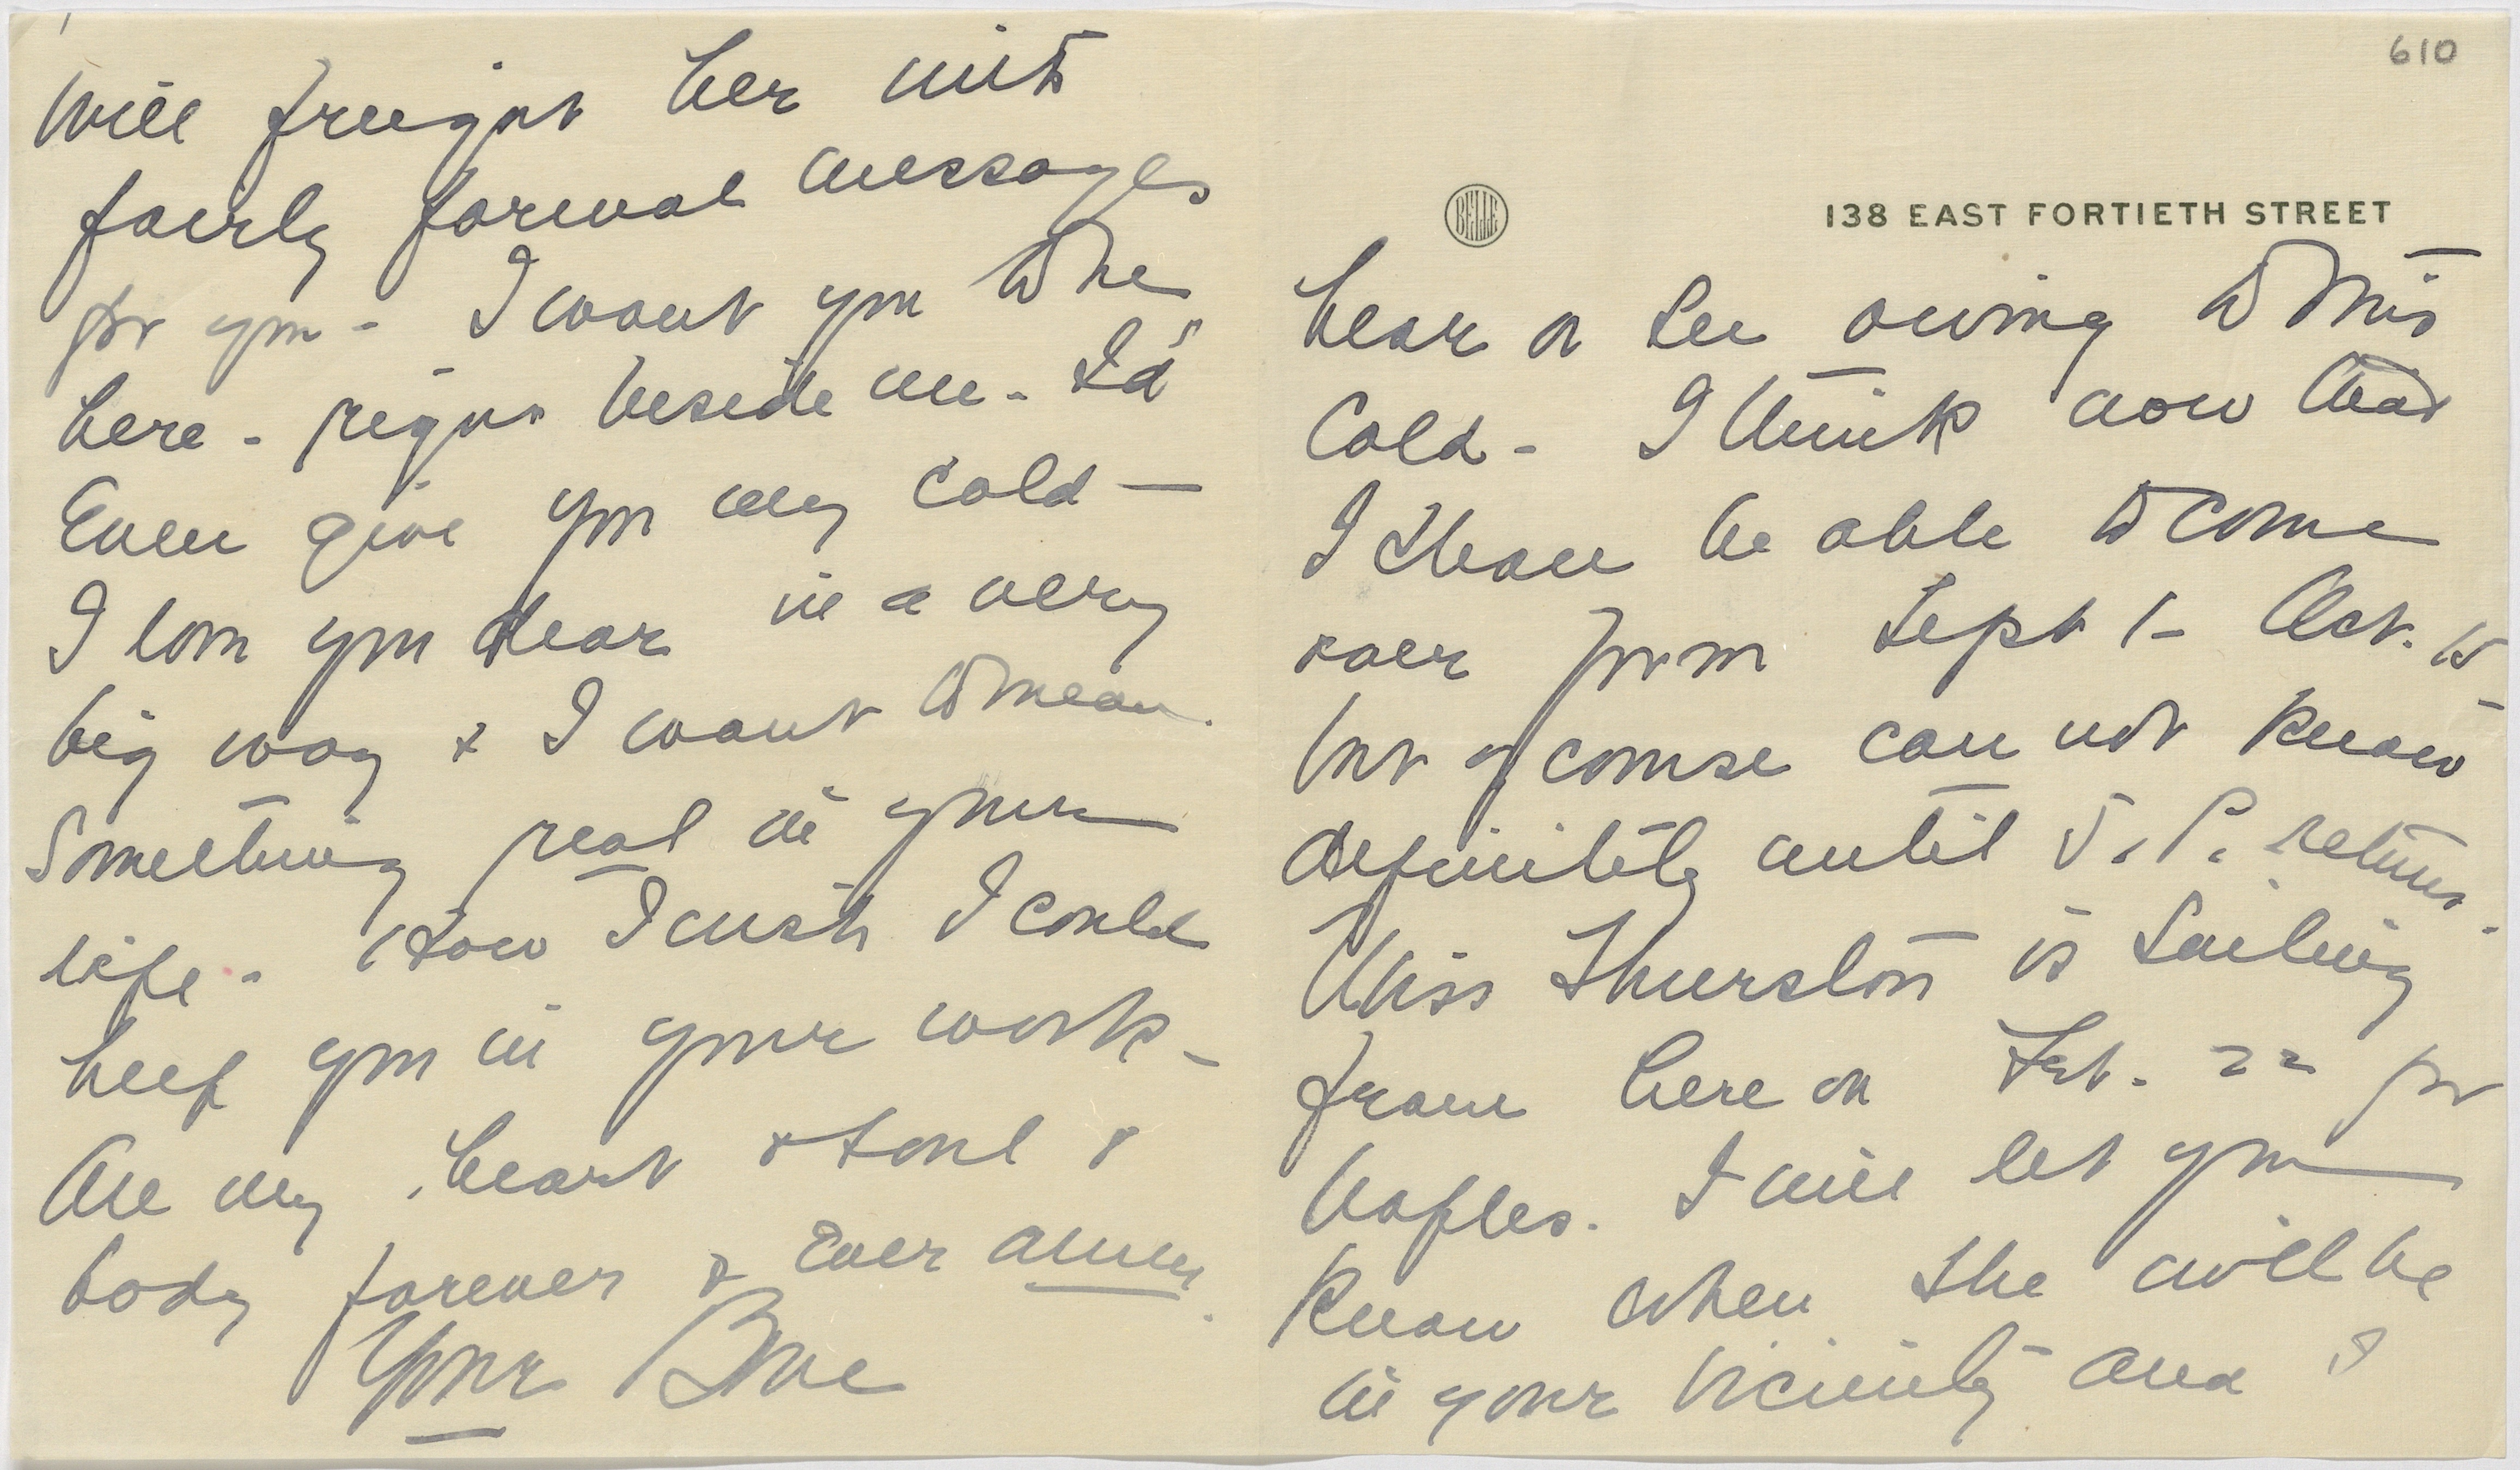hear or see owing to this cold – I think now that I shall be able to come over from Sept 1– Oct. 15 – but of course can not know definitely until J. P. returns. Miss Thurston is sailing from here on Feb. 22 for Naples. I will let you know when she will be in your vicinity and I
will freight her with fairly formal messages for you – I want you to be here – right beside me – I’d even give you my cold – I love you dear in a very big way & I want to mean something real in your life – How I wish I could help you in your work – All my heart & soul & body forever & ever amen.
Your Belle